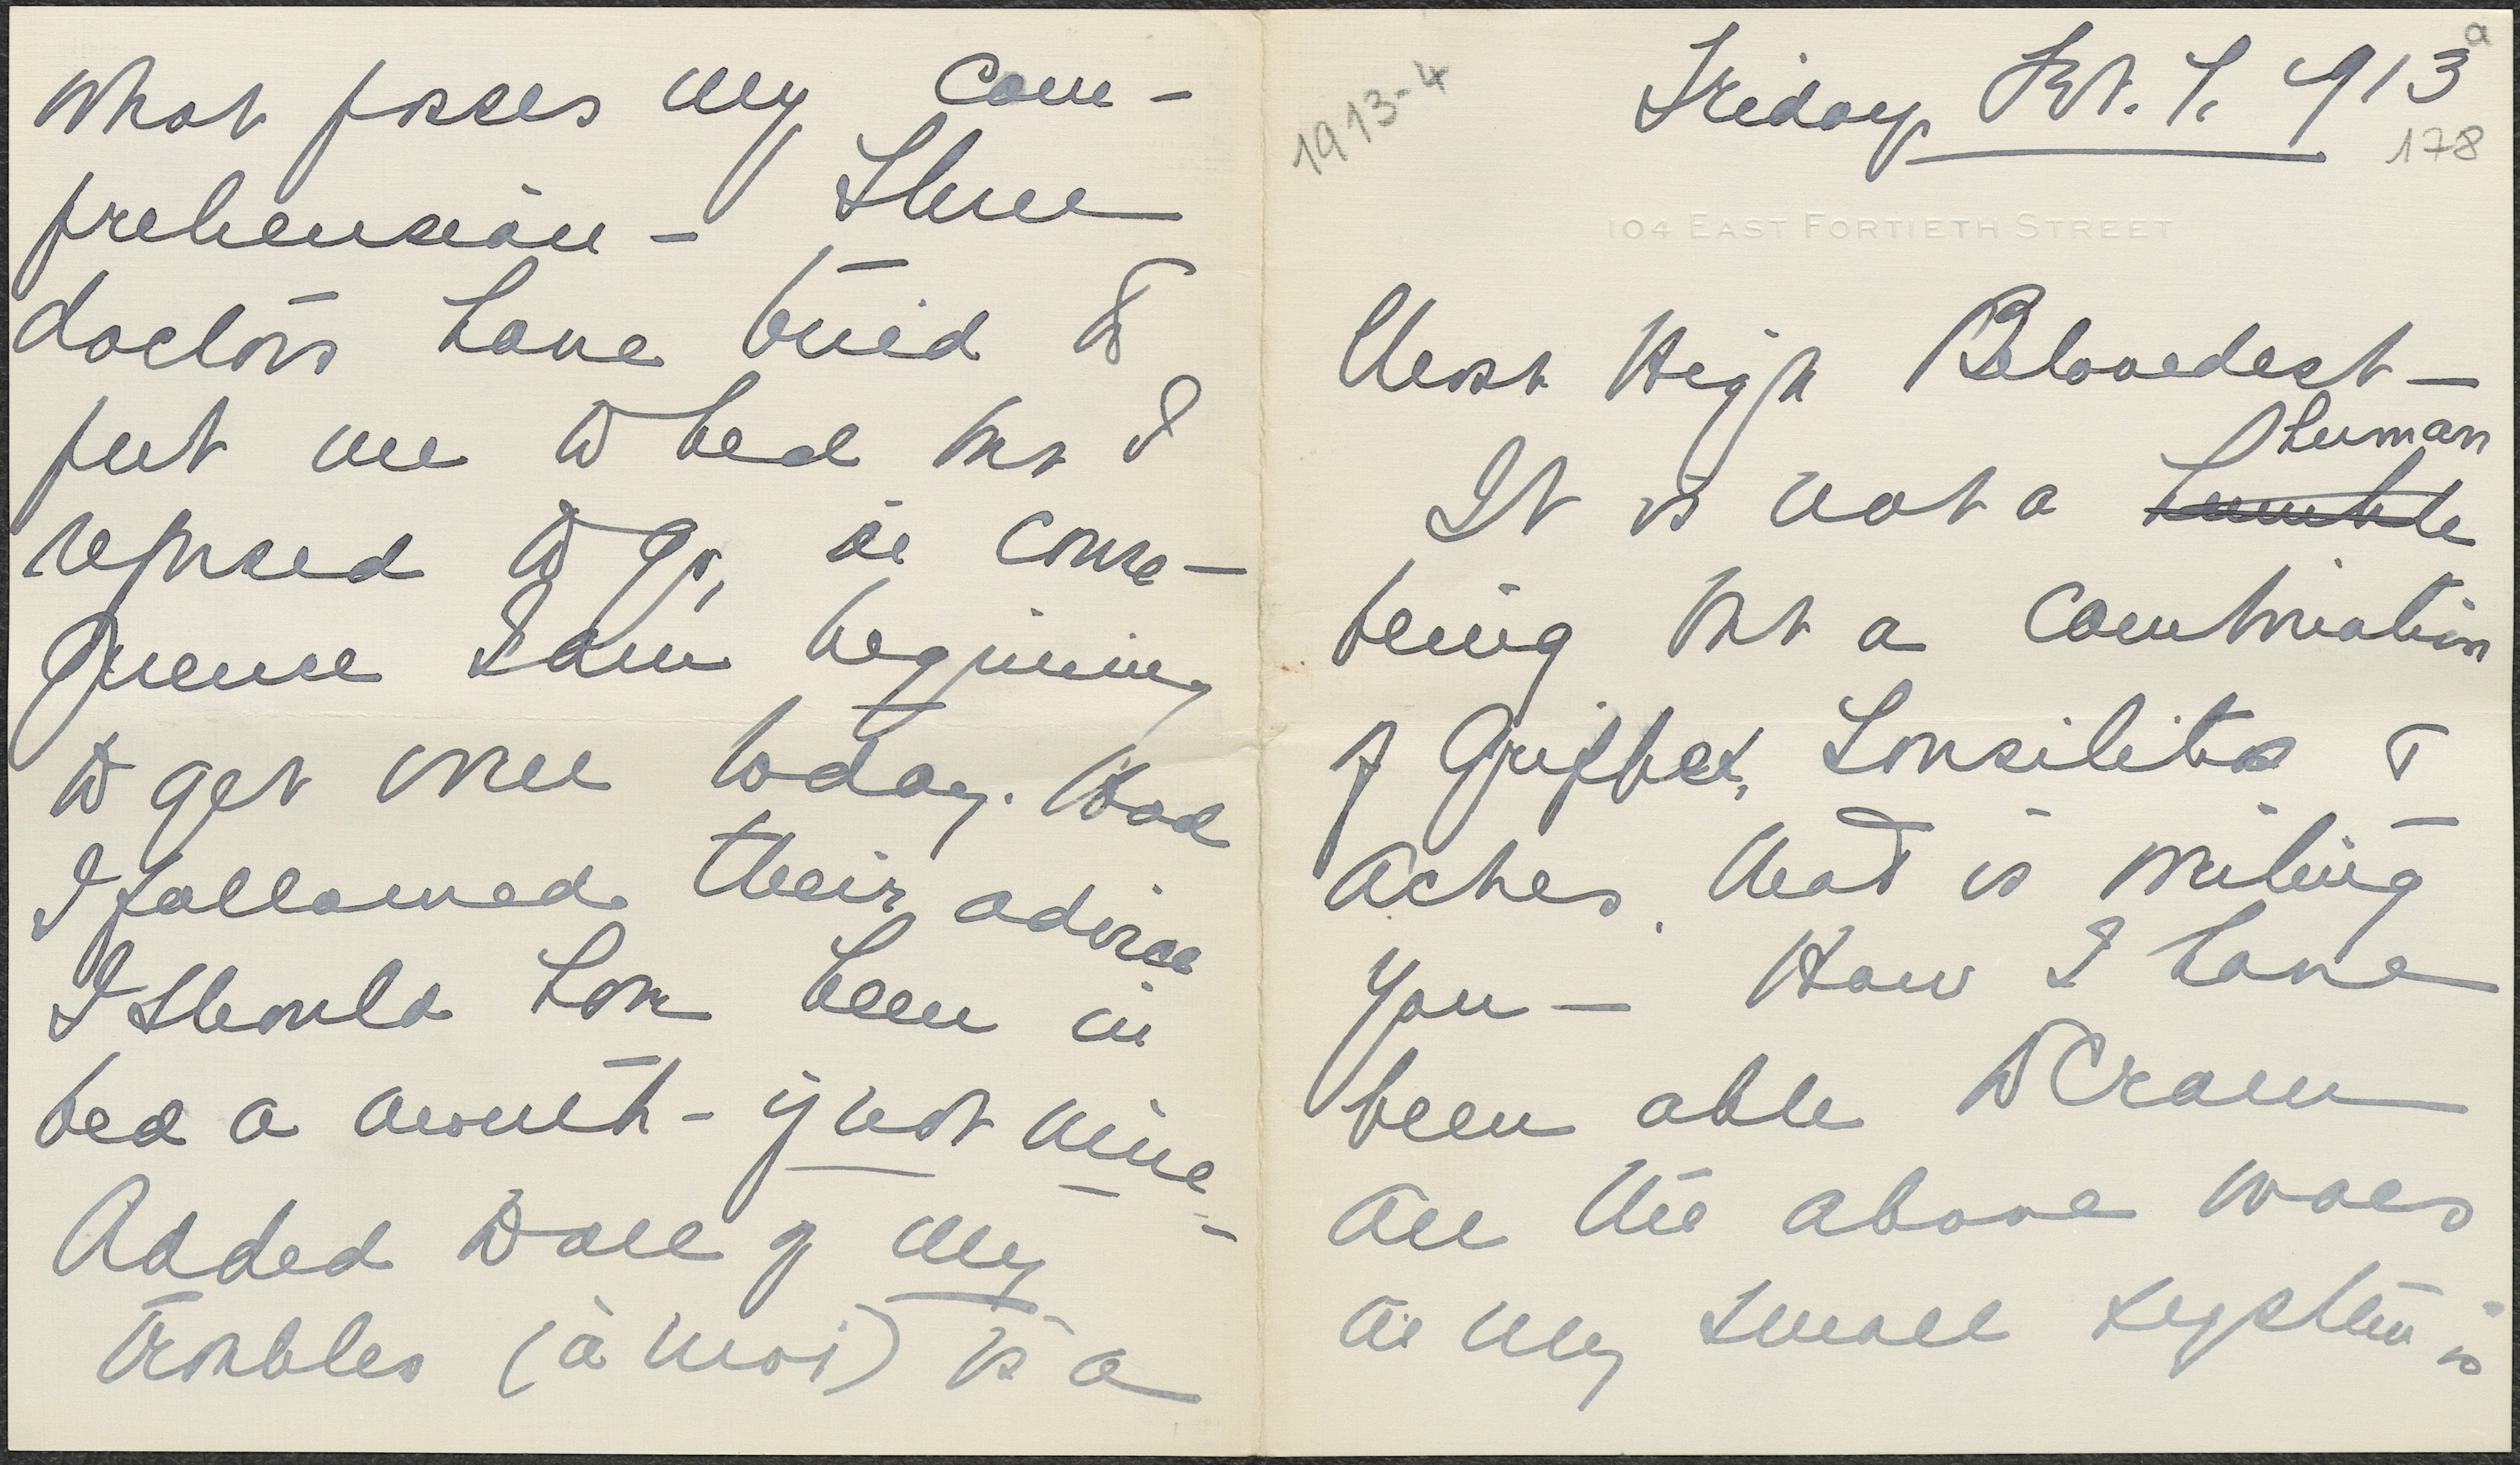Friday, Feb. 7, 1913
Most High Belovedest –
It is not a humble [^human^] being but a combination of grippe, tonsilitis [sic] & aches that is writing you – How I have been able to cram all the above woes in my small system is
what passes my comprehension – Three doctors have tried to put me to bed but I refused to go, in consequence I am beginning to get well today. Had I followed their advice I should have been in bed a month – if not nine Added to all of my troubles (à moi) is a